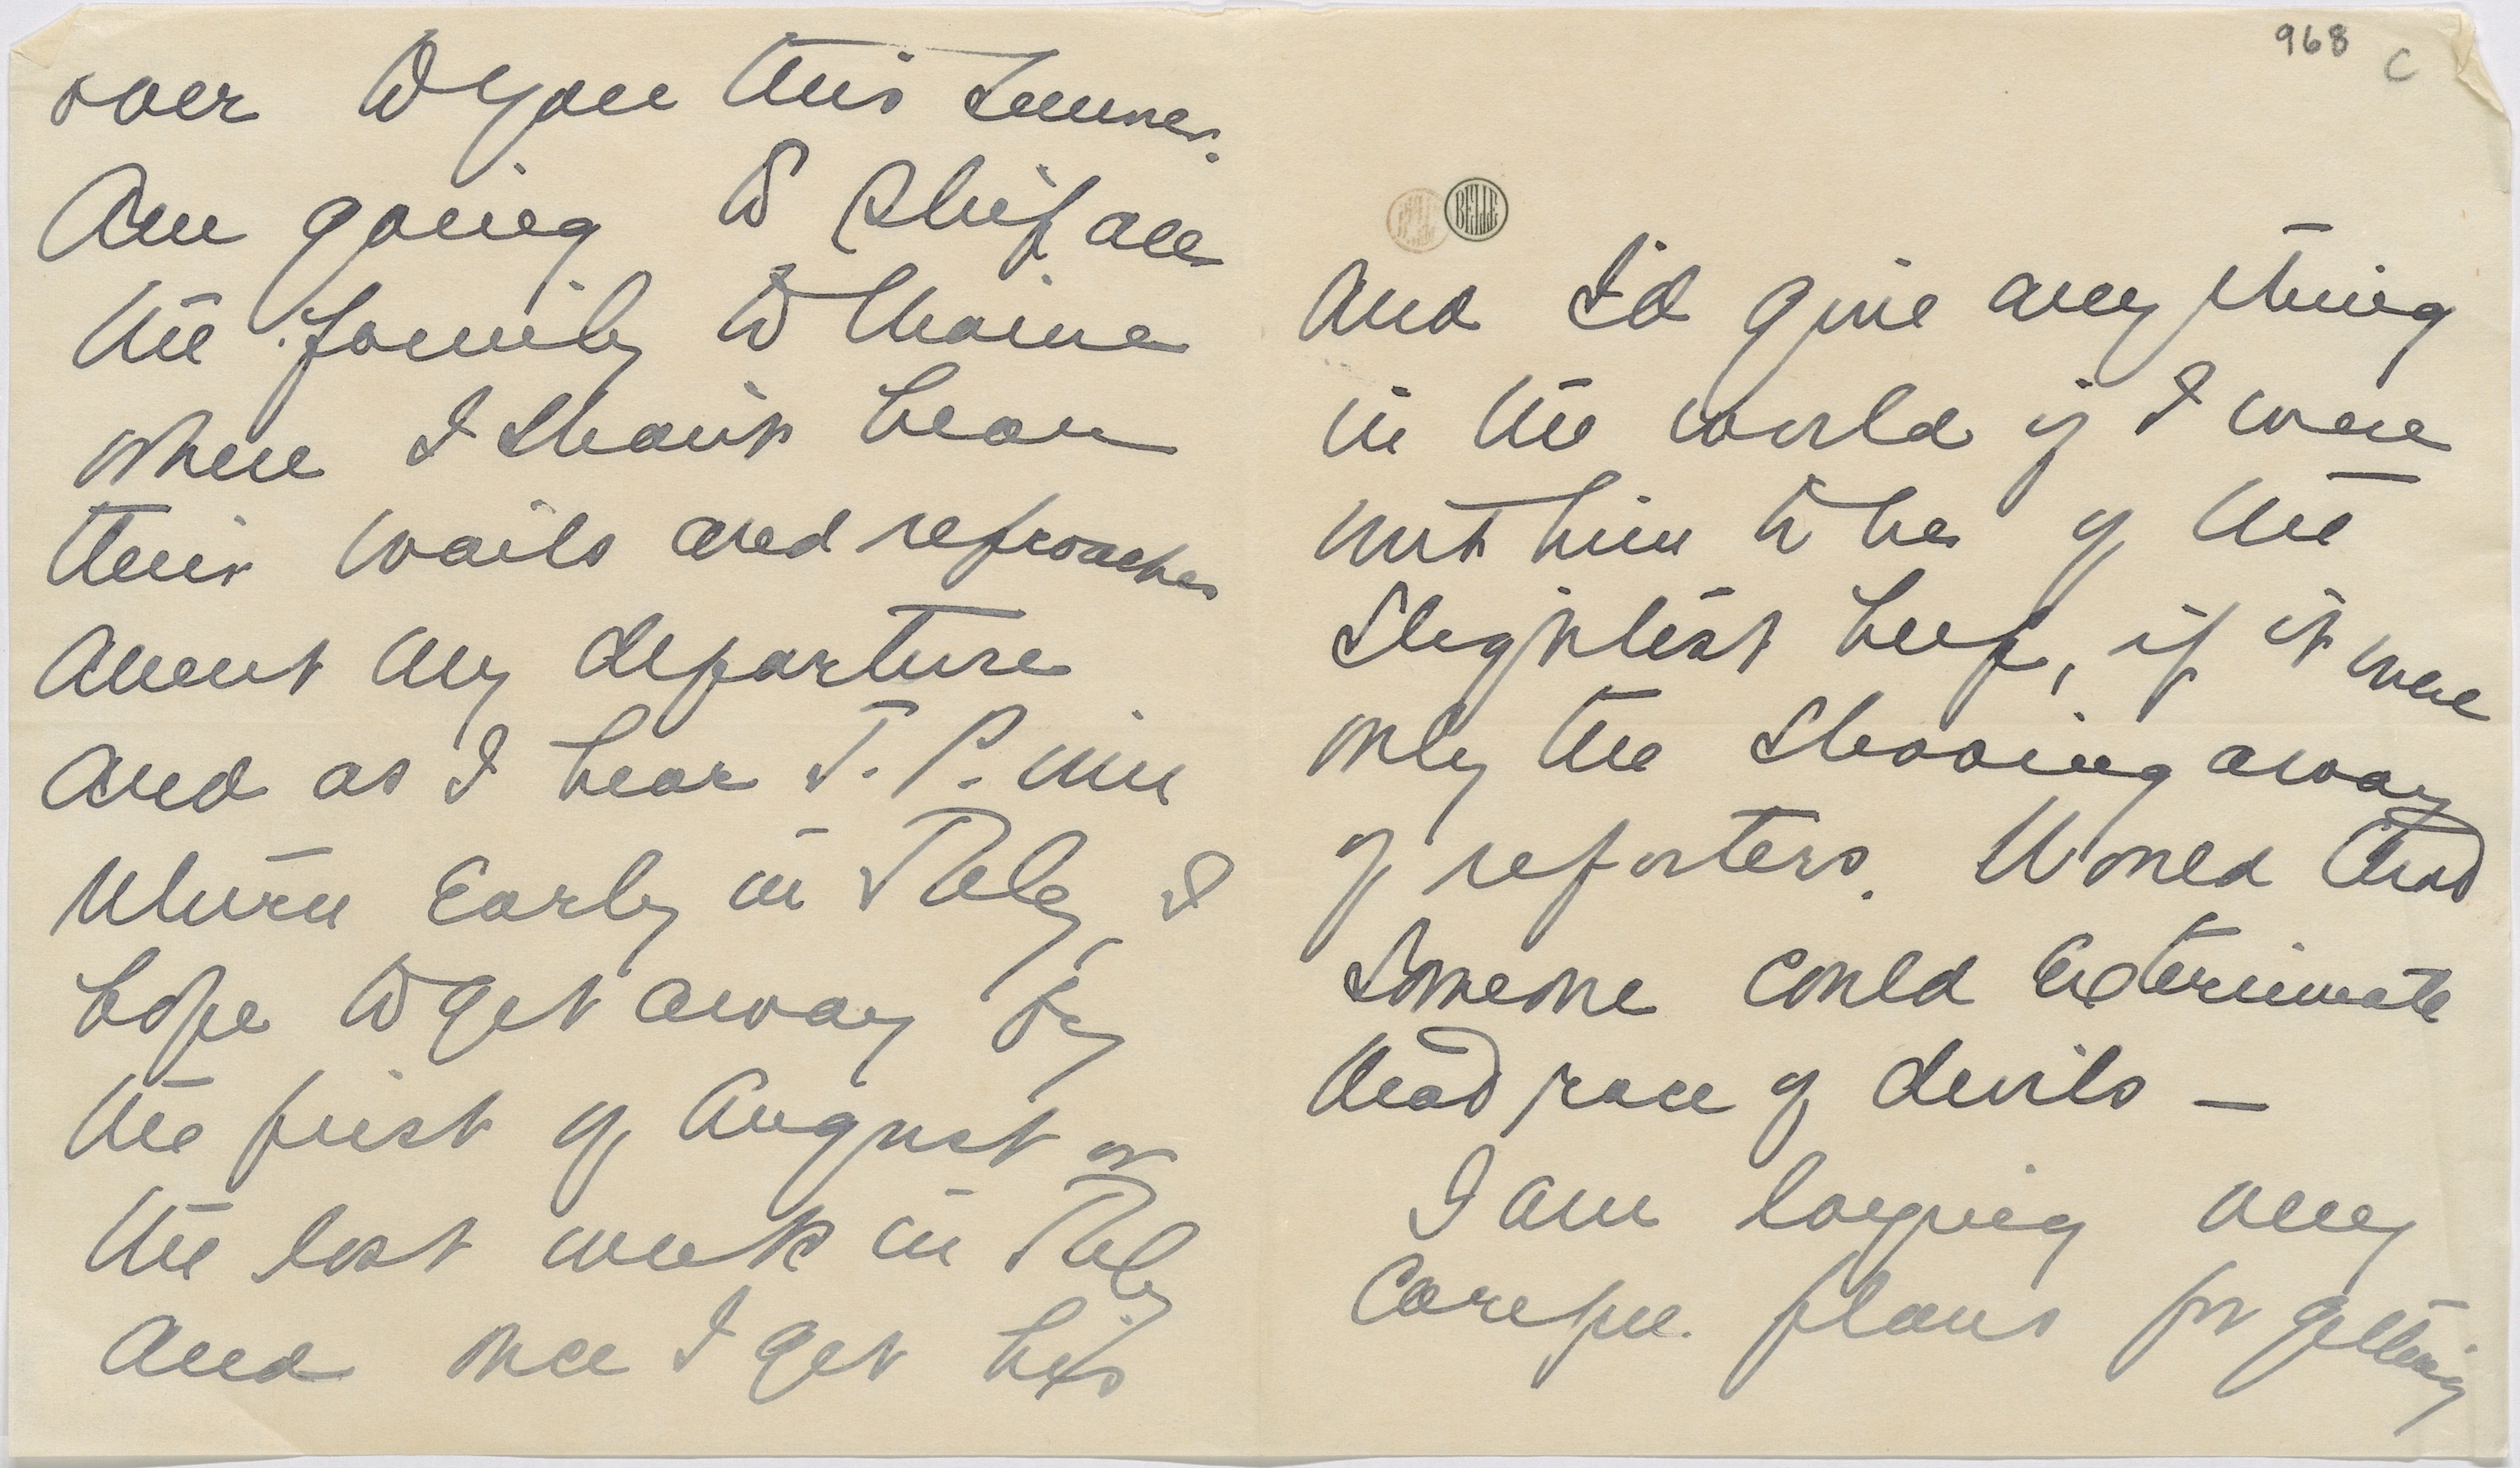and I’d give anything in the world if I were with him to be of the slightest help, if it were only the shooing away of reporters. Would that someone could exterminate that race of devils –
I am laying very careful plans for getting
over to you this summer. Am going to ship all the family to Maine where I shan’t hear their wails and reproaches anent my departure and as I hear J. P. will return early in July, I hope to get away by the first of August or the last week in July and once I get his